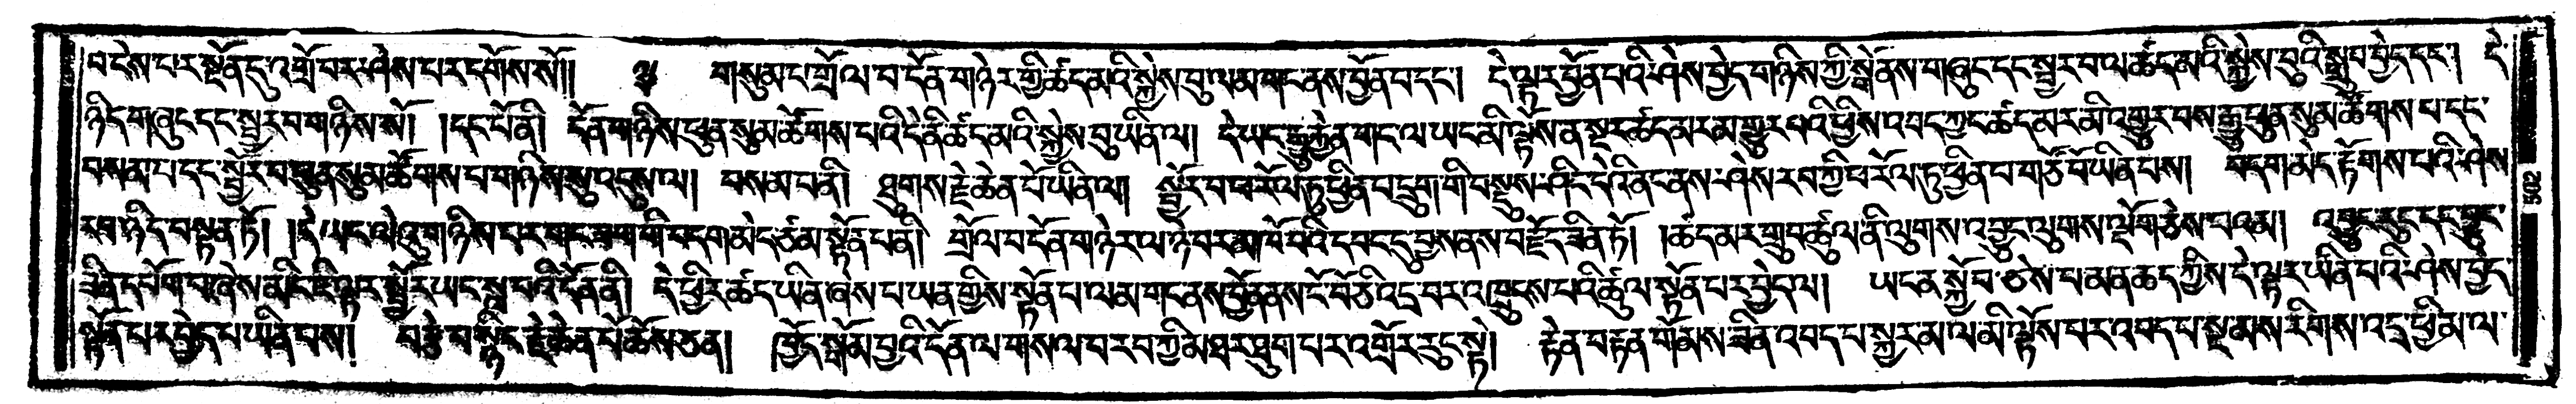བ་ངེས་པར་སྔོན་དུ་འགྲོ་བར་ཤེས་པར་དགོས་སོ།། ༈ གསུམ་པ་གྲོལ་བ་དོན་གཉེར་གྱི་ཚད་མའི་སྐྱེས་བུ་ལམ་གང་ནས་བྱོན་པ་དང་། དེ་ལྟར་བྱོན་པའི་ཤེས་བྱེད་གཉིས་ཀྱི་སྒོ་ནས་གཞུང་དང་སྦྱར་བ་ལ་ཚད་མའི་སྐྱེས་བུའི་སྒྲུབ་བྱེད་དང་། དེ་
ཉིད་གཞུང་དང་སྦྱར་བ་གཉིས་སོ། །དང་པོ་ནི། དོན་གཉིས་ཕུན་སུམ་ཚོགས་པའི་དེ་ནི་ཚད་མའི་སྐྱེས་བུ་ཡིན་ལ། དེ་ཡང་རྒྱུ་རྐྱེན་གང་ལ་ཡང་མི་ལྟོས་ན་སྔར་ཚད་མར་མ་གྱུར་པའི་ཕྱིས་འབད་ཀྱང་ཚད་མར་མི་འགྱུར་བས་རྒྱུ་ཕུན་སུམ་ཚོགས་པ་དང་
བསམ་པ་དང་སྦྱོར་བ་ཕུན་སུམ་ཚོགས་པ་གཉིས་སུ་འདུས་ལ། བསམ་པ་ནི། ཐུགས་རྗེ་ཆེན་པོ་ཡིན་ལ། སྦྱོར་བ་ཕ་རོལ་ཏུ་ཕྱིན་པ་དྲུག་གི་བསྡུས་ཤིང་དེའི་ནང་ནས་ཤེས་རབ་ཀྱི་ཕ་རོལ་ཏུ་ཕྱིན་པ་གཙོ་བོ་ཡིན་པས། བདག་མེད་རྟོགས་པའི་ཤེས་
རབ་ཉིད་བསྟན་ཏོ། །དེ་ཡང་ལེའུ་གཉིས་པར་གང་ཟག་གི་བདག་མེད་ཙམ་སྟོན་པ་ནི། གྲོལ་བ་དོན་གཉེར་ལ་ཉེ་བར་མཁོ་བའི་དབང་དུ་བྱས་ནས་བརྗོད་ཟིན་ཏོ། །ཚད་མར་གྲུབ་ཚུལ་ནི་ལུགས་འབྱུང་ལུགས་ལྡོག་ཅེས་པའམ། འབྱུང་རུང་དང་བྱུང་
ཟིན་དཔོག་པ་ཞེས་མིང་ཇི་ལྟར་སྦྱོར་ཡང་སླ་བའི་དོན་ནི། དེ་ཕྱིར་ཚད་ཡིན་ཞེས་པ་ཡན་གྱིས་སྟོན་པ་ལམ་གང་ནས་བྱོན་ནས་ངོ་བོ་ཅི་འདྲ་བར་འཁྲུངས་པའི་ཚུལ་སྟོན་པར་བྱེད་ལ། ཡང་ན་སྐྱོབ་ཅེས་པ་མན་ཆད་ཀྱིས་དེ་ལྟར་ཡིན་པའི་ཤེས་བྱེད་
སྟོན་པར་བྱེད་པ་ཡིན་པས། བརྩེ་བ་སྙིང་རྗེ་ཆེན་པོ་ཆོས་ཅན། ཁྱོད་སྒོམ་བྱའི་དོན་ལ་གསལ་བ་རབ་ཀྱི་མཐར་ཐུག་པར་འགྲོར་རུང་སྟེ། རྟེན་བརྟན་གོམས་ཟིན་འབད་པ་སྐྱར་མ་ལ་མི་ལྟོས་པར་འབད་པ་སྔ་མས་རིགས་འདྲ་ཕྱི་མ་ལ་